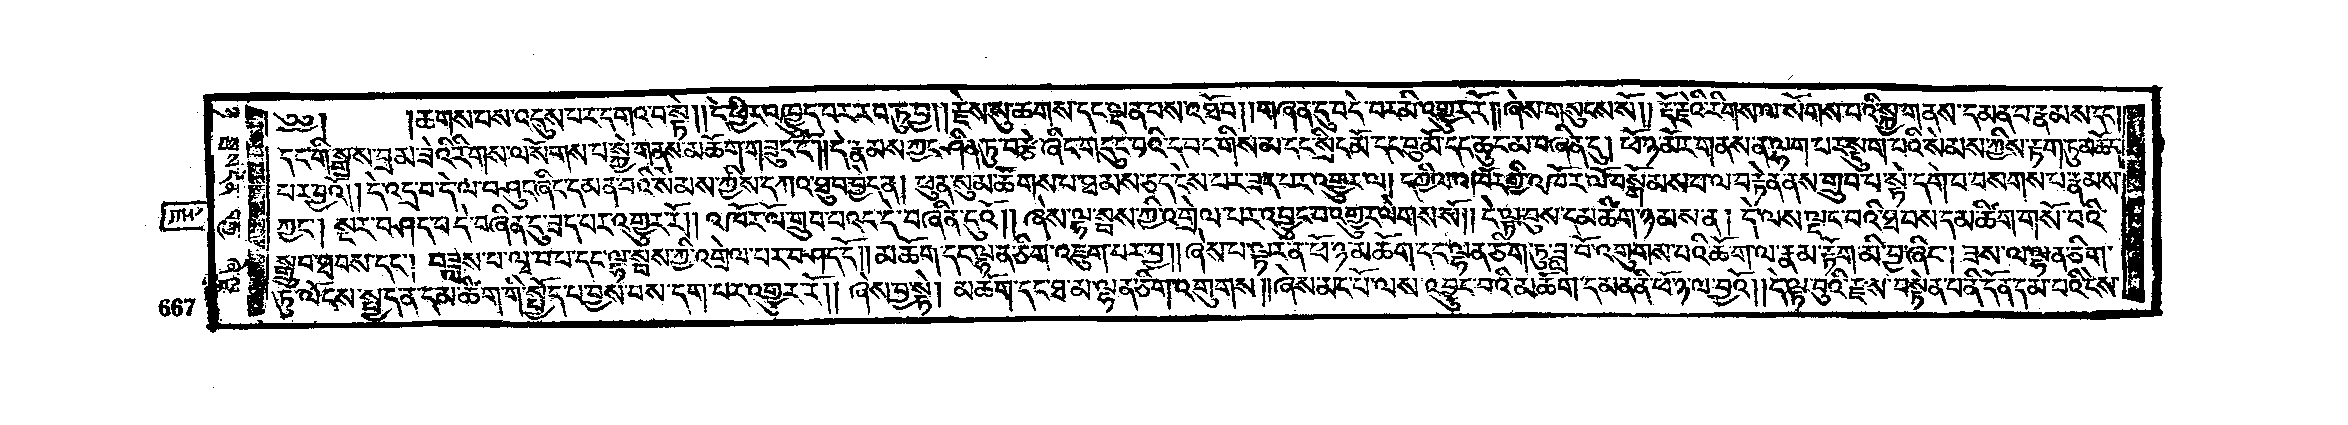༄༅། །ཆགས་པས་འདུས་པར་དགའ་བ་སྟེ། །དེ་ཕྱིར་འཁྱུད་པར་རབ་ཏུ་བྱ། །རྗེས་སུ་ཆགས་དང་ལྡན་པས་འཐོབ། །གཞན་དུ་བདེ་བར་མི་འགྱུར་རོ། །ཞེས་གསུངས་སོ། །རྡོ་རྗེའི་རིགས་ལ་སོགས་པའི་སྐྱེ་གནས་དམན་པ་རྣམས་དང་།
དང་གི་སྒྲས་བྲམ་ཟེའི་རིགས་ལ་སོགས་པ་སྐྱེ་གནས་མཆོག་གཟུང་ངོ། །དེ་རྣམས་ཀྱང་ཤིན་ཏུ་བརྩེ་ཞིང་གདུང་བའི་དབང་གིས་མ་དང་སྲིང་མོ་དང་བུ་མེ་དང་ཆུང་མ་བཞིན་དུ། ཕོ་ཉ་མོར་གནས་ན་ལྷག་པར་སྡུག་པའི་སེམས་ཀྱིས་རྟག་ཏུ་མཆོད་
པར་བྱའོ། །དེ་འདྲ་བ་དེ་ལ་བཤུང་ཞིང་དམན་པའི་སེམས་ཀྱིས་དཀའ་ཐུབ་བྱེད་ན། ཕུན་སུམ་ཚོགས་པ་ཐམས་ཅད་ངེས་པར་ཟད་པར་འགྱུར་ལ། དཀྱིལ་འཁོར་གྱི་འཁོར་ལོ་བསྒོམས་པ་ལ་བརྟེན་ནས་གྲུབ་པ་སྟེ་དགེ་བ་བསགས་པ་རྣམས་
ཀྱང་། སྔར་བཤད་པ་དེ་བཞིན་དུ་ཟད་པར་འགྱུར་རོ། །འཁོར་ལོ་གྲུབ་པའང་དེ་བཞིན་དུའོ། །ཞེས་ལྷ་སྤྲས་ཀྱི་འགྲེལ་པར་འབྱུང་བ་འགྱུར་ལེགས་སོ། །དེ་ལྟ་བུས་དམ་ཚིག་ཉམས་ན། དེ་ལས་ལྡང་བའི་ཐབས་དམ་ཚིག་གསོ་བའི་
སྒྲུབ་ཐབས་དང་། བཟླས་པ་ལྭ་བ་པ་དང་ལྷ་སྤྲས་ཀྱི་འགྲེལ་པར་བཤད་དོ། །མཆོག་དང་ལྷན་ཅིག་འཇུག་པར་བྱ། །ཞེས་པ་ལྟར་ན་ཕོ་ཉ་མཆོག་དང་ལྷན་ཅིག་ཏུ་ཟླ་བོ་འགུགས་པའི་ཆོ་ག་ལ་རྣམ་རྟོག་མི་བྱ་ཞིང་། ཟས་ལ་ལྷན་ཅིག་
ཏུ་ལོངས་སྤྱད་ན་དམ་ཚིག་གི་སྤྱོད་པ་བྱས་བས་དག་པར་འགྱུར་རོ། །ཞེས་བྱ་སྟེ། མཆོག་དང་ཐ་མ་ལྷན་ཅིག་འགུགས། །ཞེས་མང་པོ་ལས་འབྱུང་བའི་མཆོག་དམན་ནི་ཕོ་ཉ་ལ་བྱའོ། །དེ་ལྟ་བུའི་རྫས་བསྟེན་པ་ནི་དོན་དམ་པའི་ངེས་